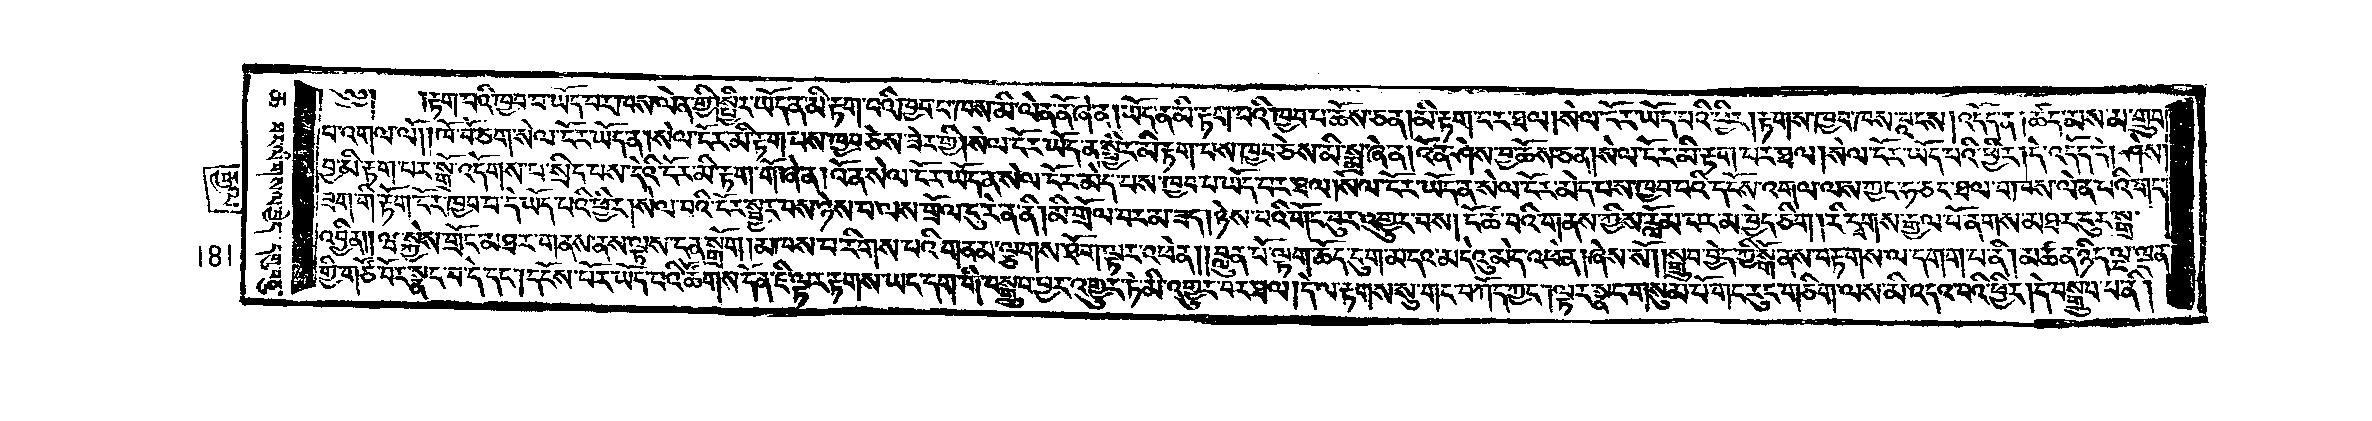༄༅། །རྟག་པའི་ཁྱབ་པ་ཡོད་པར་ཁས་ལེན་གྱི། སྤྱིར་ཡོད་ན་མི་རྟག་པའི་ཁྱབ་པ་ཁས་མི་ལེན་ནོ་ཞེ་ན། ཡོད་ན་མི་རྟག་པའི་ཁྱབ་པ་ཆོས་ཅན། མི་རྟག་པར་ཐལ། སེལ་ངོར་ཡོད་པའི་ཕྱིར། རྟགས་ཁྱབ་ཁས་བླངས། འདོད་ན། ཚད་མས་མ་གྲུ་
པ་འགལ་ལོ། །ཁོ་བོ་ཅག་སེལ་ངོར་ཡོད་ན། སེལ་ངོར་མི་རྟག་པས་ཁྱབ་ཅེས་ཟེར་གྱི། སེལ་ངོར་ཡོད་ན་སྤྱིར་མི་རྟག་པས་ཁྱབ་ཅེས་མི་སྨྲ་ཞེ་ན། འོ་ན་ཤེས་བྱ་ཆོས་ཅན། སེལ་ངོར་མི་རྟག་པར་ཐལ། སེལ་ངོར་ཡོད་པའི་ཕྱིར། དེ་འདོད་དེ། ཤེས་
བྱ་མི་རྟག་པར་སྒྲོ་འདོགས་པ་སྲིད་པས་དེའི་ངོར་མི་རྟག་གོ་ཞེ་ན། འོ་ན་སེལ་ངོར་ཡོད་ན་སེལ་ངོར་མེད་པས་ཁྱབ་པ་ཡོད་པར་ཐལ། སེལ་ངོར་ཡོད་ན་སེལ་ངོར་མེད་པས་ཁྱབ་པའི་དངོས་འགལ་ལས་ཀྱང་ཧ་ཅང་ཐལ་བ་ཁས་ལེན་པའི་གང་
ཟག་གི་རྟོག་ངོར་ཁྱབ་པ་དེ་ཡོད་པའི་ཕྱིར། སེལ་བའི་ངོར་སྦྱར་བས་ཉེས་པ་ལས་གྲོལ་དུ་རེ་ན་ནི། མི་གྲོལ་བར་མ་ཟད། ཉེས་པའི་གོང་བུར་འགྱུར་བས། ངོ་ཚ་བའི་གནས་ཀྱིས་རློམ་པར་མ་བྱེད་ཅིག །རི་དྭགས་རྒྱལ་པོ་ནགས་མཐར་ངུར་སྒྲ་
འབྱིན། །ཝ་སྐྱེས་གྲོང་མཐར་གནས་ནས་ལྟས་ངན་སྒྲོག །མཁས་པ་རིགས་པའི་གནམ་ལྕགས་ཐོག་ལྟར་འཕེན། །བླུན་པོ་ལྟག་ཆོད་དུག་མདའ་མདེའུ་མེད་འཕེན། །ཞེས་སོ། །སྒྲུབ་བྱེད་ཀྱི་སྒོ་ནས་བརྟགས་ལ་དགག་པ་ནི། མཚན་ཉིད་ལྔ་ལྡན་
གྱི་གཙོ་བོར་སྣང་བ་དེ་དང་། དངོས་པོར་ཡོད་པའི་ཚོགས་དོན་ཇི་ལྟར་རྟགས་ཡང་དག་གི་བསྒྲུབ་བྱར་འགྱུར་ཏེ་མི་འགྱུར་བར་ཐལ། དེ་ལ་རྟགས་སུ་གང་བཀོད་ཀྱང་། ལྟར་སྣང་གསུམ་པོ་གང་རུང་གཅིག་ལས་མི་འདའ་བའི་ཕྱིར། དེ་བསྒྲུབ་པ་ནི།